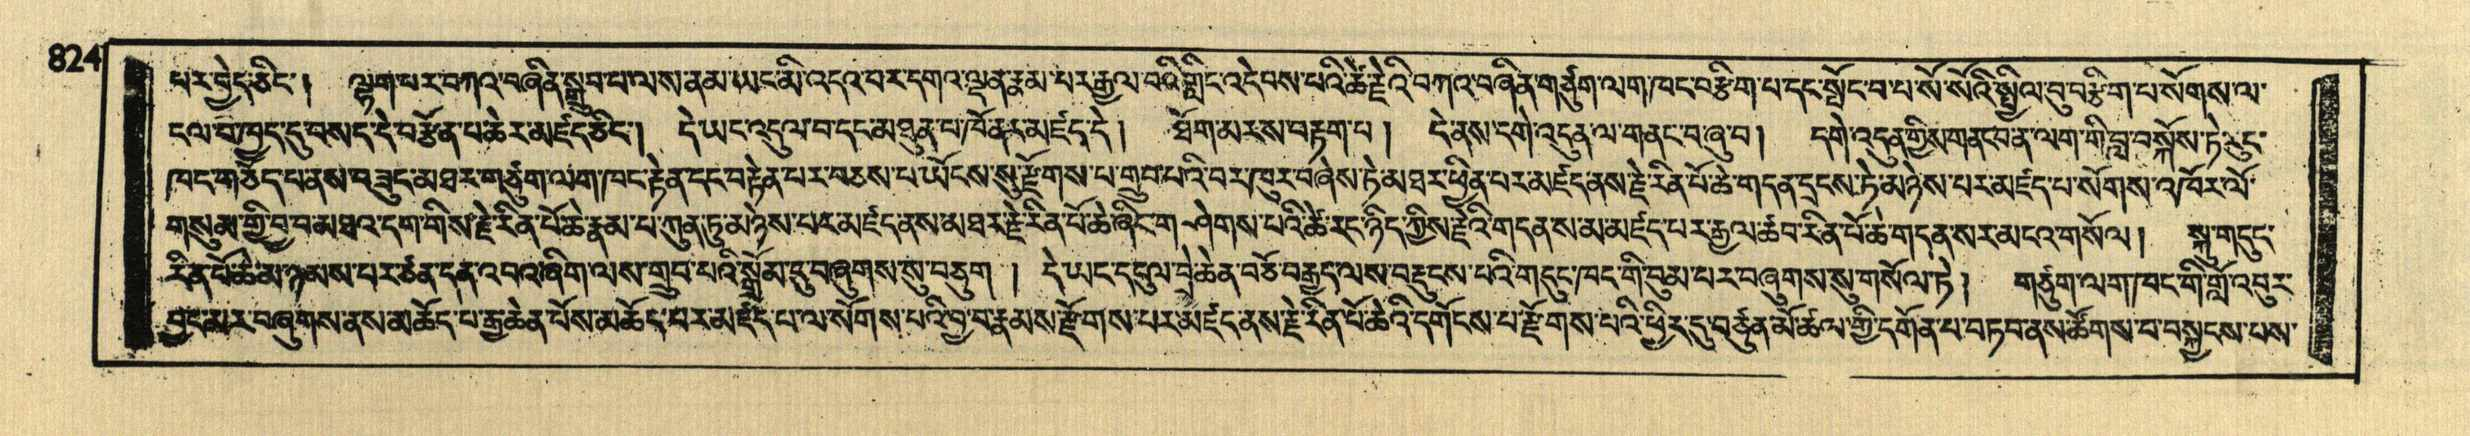པར་བྱེད་ཅིང་། ལྷག་པར་བཀའ་བཞིན་སྒྲུབ་པ་ལས་ནམ་ཡང་མི་འདའ་བར་དགའ་ལྡན་རྣམ་པར་རྒྱལ་བའི་གླིང་འདེབས་པའི་ཚེ་རྗེའི་བཀའ་བཞིན་གཙུག་ལག་ཁང་བརྩིག་པ་དང་སྤོང་བ་པ་སོ་སོའི་སྤྱིལ་བུ་བརྩིག་པ་སོགས་ལ་
ངལ་བ་ཁྱད་དུ་བསད་དེ་བརྩོན་པ་ཆེར་མཛད་ཅིང་། དེ་ཡང་འདུལ་བ་དང་མཐུན་པ་ཁོ་ནར་མཛད་དེ། ཐོག་མར་ས་བརྟག་པ། དེ་ནས་དགེ་འདུན་ལ་གནང་བ་ཞུ་བ། དགེ་འདུན་གྱིས་གནང་བ་ན་ལག་གི་བླ་བསྐོས་ཏེ་རུང་
ཁང་གཅོད་པ་ནས་བཟུང་མཐར་གཙུག་ལག་ཁང་རྟེན་དང་བརྟེན་པར་བཅས་པ་ཡོངས་སུ་རྫོགས་པ་གྲུབ་པའི་བར་ཁུར་བཞེས་ཏེ་མཐར་ཕྱིན་པར་མཛད་ནས་རྗེ་རིན་པོ་ཆེ་གདན་དྲངས་ཏེ་མཉེས་པར་མཛད་པ་སོགས་འཁོར་ལོ་
གསུམ་གྱི་བྱ་བ་མཐའ་དག་གིས་རྗེ་རིན་པོ་ཆེ་རྣམ་པ་ཀུན་ཏུ་མཉེས་པར་མཛད་ནས་མཐར་རྗེ་རིན་པོ་ཆེ་ཞིང་གཤེགས་པའི་ཚེ་རང་ཉིད་ཀྱིས་རྗེའི་གདན་ས་མ་མཛད་པར་རྒྱལ་ཚབ་རིན་པོ་ཆེ་གདན་སར་མངའ་གསོལ། སྐུ་གདུང་
རིན་པོ་ཆེ་མ་ཉམས་པར་ཙན་དན་འབའ་ཞིག་ལས་གྲུབ་པའི་སྒྲོམ་དུ་བཞུགས་སུ་བཅུག །དེ་ཡང་དངུལ་བྲེ་ཆེན་བཅོ་བརྒྱད་ལས་བརྡུངས་པའི་གདུང་ཁང་གི་བུམ་པར་བཞུགས་སུ་གསོལ་ཏེ། གཙུག་ལག་ཁང་གི་གློ་འབུར་
བྱང་མར་བཞུགས་ནས་མཆོད་པ་རྒྱ་ཆེན་པོས་མཆོད་པར་མཛད་པ་ལ་སོགས་པའི་བྱ་བ་རྣམས་རྫོགས་པར་མཛད་ནས་རྗེ་རིན་པོ་ཆེའི་དགོངས་པ་རྫོགས་པའི་ཕྱིར་དུ་བཙུན་མོ་ཚལ་གྱི་དགོན་པ་བཏབ་ནས་ཚོགས་པ་བསྐྱངས་པས་